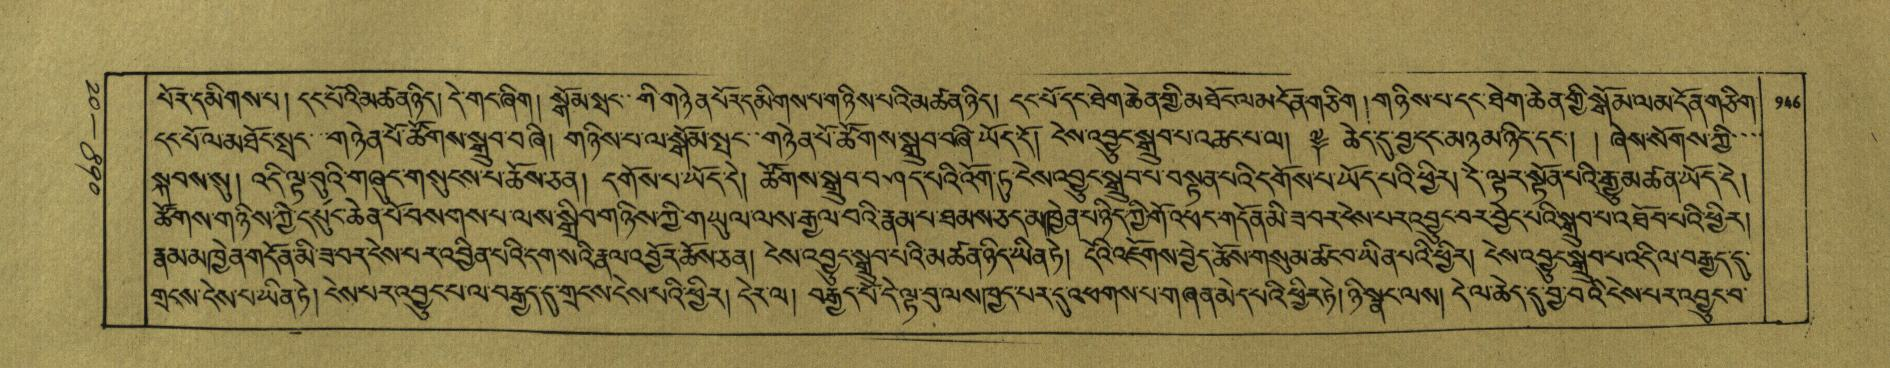པོར་དམིགས་པ། དང་པོའི་མཚན་ཉིད། དེ་གང་ཞིག །སྒོམ་སྤང་གི་གཉེན་པོར་དམིགས་པ་གཉིས་པའི་མཚན་ཉིད། དང་པོ་དང་ཐེག་ཆེན་གྱི་མཐོང་ལམ་དོན་གཅིག །གཉིས་པ་དང་ཐེག་ཆེན་གྱི་སྒོམ་ལམ་དོན་གཅིག་
དང་པོ་ལ་མཐོང་སྤང་གཉེན་པོ་ཚོགས་སྒྲུབ་བཞི། གཉིས་པ་ལ་སྒོམ་སྤང་གཉེན་པོ་ཚོགས་སྒྲུབ་བཞི་ཡོད་དོ། ངེས་འབྱུང་སྒྲུབ་པ་འཆང་པ་ལ། ༈ ཆེད་དུ་བྱ་དང་མཉམ་ཉིད་དང་། །ཞེས་སོགས་ཀྱི་
སྐབས་སུ། འདི་ལྟ་བུའི་གཞུང་གསུངས་པ་ཆོས་ཅན། དགོས་པ་ཡོད་དེ། ཚོགས་སྒྲུབ་བཤད་པའི་འོག་ཏུ་ངེས་འབྱུང་སྒྲུབ་པ་བསྟན་པའི་དགོས་པ་ཡོད་པའི་ཕྱིར། དེ་ལྟར་སྟོན་པའི་རྒྱུ་མཚན་ཡོད་དེ།
ཚོགས་གཉིས་ཀྱི་དཔུང་ཆེན་པོ་བསགས་པ་ལས་སྒྲིབ་གཉིས་ཀྱི་གཡུལ་ལས་རྒྱལ་བའི་རྣམ་པ་ཐམས་ཅད་མཁྱེན་པ་ཉིད་ཀྱི་གོ་འཕང་གདོན་མི་ཟ་བར་ངེས་པར་འབྱུང་བར་བྱེད་པའི་སྒྲུབ་པ་འཐོབ་པའི་ཕྱིར།
རྣམ་མཁྱེན་གདོན་མི་ཟ་བར་ངེས་པར་འབྱིན་པའི་དག་སའི་རྣལ་འབྱོར་ཆོས་ཅན། ངེས་འབྱུང་སྒྲུབ་པའི་མཚན་ཉིད་ཡིན་ཏེ། དེའི་འཇོགས་བྱེད་ཆོས་གསུམ་ཚང་བ་ཡིན་པའི་ཕྱིར། ངེས་འབྱུང་སྒྲུབ་པ་འདི་ལ་བརྒྱད་དུ་
གྲངས་ངེས་པ་ཡིན་ཏེ། ངེས་པར་འབྱུང་པ་ལ་བརྒྱད་དུ་གྲངས་ངེས་པའི་ཕྱིར། དེར་ལ། བརྒྱད་པོ་དེ་ལྟ་བུ་ལས་ཁྱད་པར་དུ་འཕགས་པ་གཞན་མེད་པའི་ཕྱིར་ཏེ། ཉི་སྣང་ལས། དེ་ལ་ཆེད་དུ་བྱ་བའི་ངེས་པར་འབྱུང་བ་